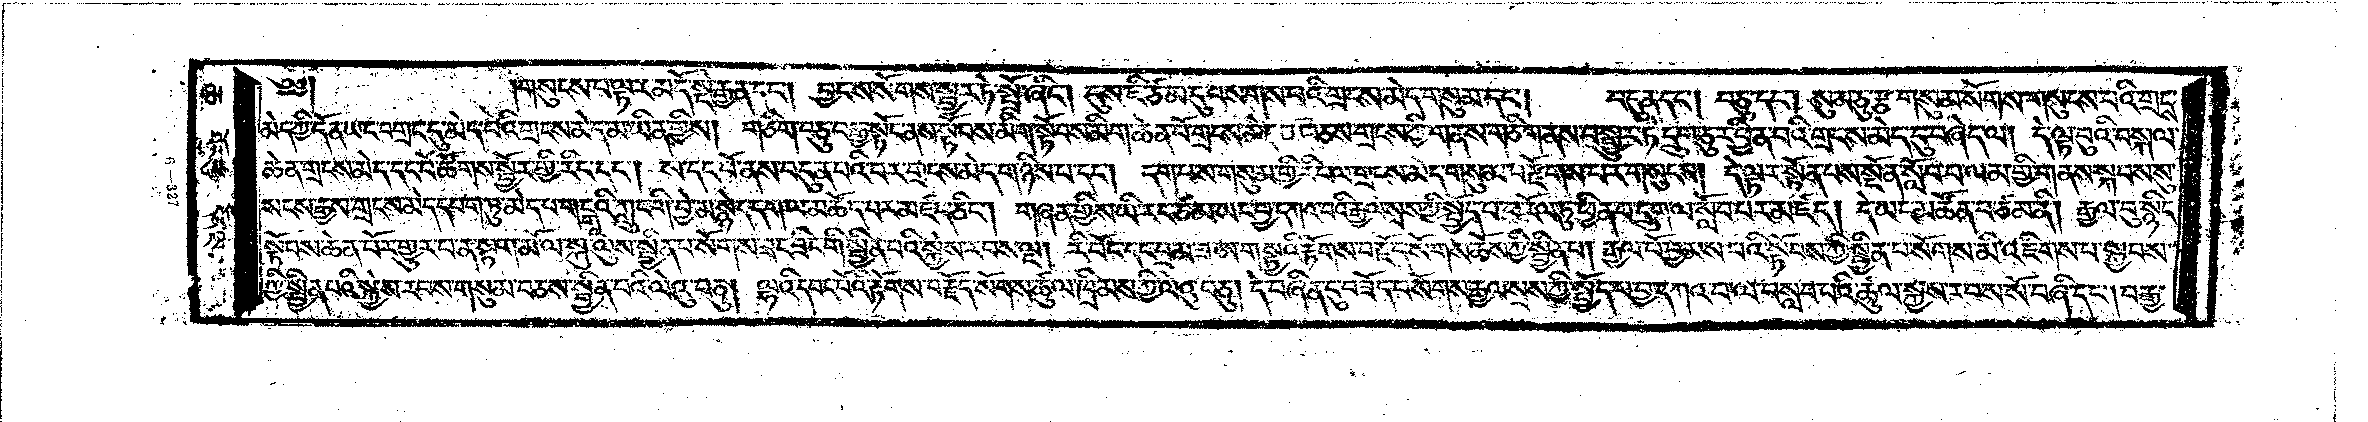༄༅། །གསུངས་པ་ལྟར་མདོར་སྡེ་རྒྱན་དང་། བྱང་ས་སོགས་སྦྱར་ཏེ་སྤྲོ་ཞིང་། དུས་ཇི་ཙམ་དུ་བསགས་པའི་གྲངས་མེད་གསུམ་དང་། བདུན་དང་། བཅུ་དང་། སུམ་ཅུ་རྩ་གསུམ་སོགས་གསུངས་པའི་གྲངས་
མེད་ཀྱི་དོན་ཡང་བགྲང་དུ་མེད་པའི་གྲངས་མེད་མ་ཡིན་གྱིས། གཅིག་བཅུ་བརྒྱ་སྟོང་ནས་སྟོབས་མིག་སྟོབས་མིག་ཆེན་པོ་གྲངས་ཆེ་ཇབ་བཅས་གྲངས་ཀྱི་གནས་གཅིག་ནས་བསྒྱུར་ཏེ་དྲུག་ཅུར་ཕྱིན་པའི་གྲངས་མེད་དུ་བཞེད་ལ། དེ་ལྟ་བུའི་བསྐལ་
ཆེན་གྲངས་མེད་དང་པོ་ཚོགས་སྦྱོར་གྱི་རིང་དང་། ས་དང་པོ་ནས་བདུན་པའི་བར་གྲངས་མེད་གཉིས་པ་དང་། དག་པ་ས་གསུམ་གྱི་རིང་ལ་གྲངས་མེད་གསུམ་པ་རྫོས་པར་གསུངས། དེ་ལྟར་སྟོན་པས་སྔོན་སློབ་པ་ལམ་གྱི་གནས་སྐབས་སུ་
སངས་རྒྱས་གྲངས་མེད་དཔག་ཏུ་མེད་གངྒའི་ཀླུང་གི་བྱེ་མ་སྙེད་དག་ལ་མཆོད་པར་མཛད་ཅིང་། གཞན་གྱིས་ཡི་རང་ཙམ་ཡང་བྱ་དཀའ་བའི་རྒྱལ་སྲས་ཀྱི་སྤྱོད་པ་ཕ་རོལ་ཏུ་ཕྱིན་པ་དྲུག་ལ་སློབ་པར་མཛད། དེ་ཡང་མཚོན་པ་ཙམ་ནི། རྒྱལ་བུ་སྙིང་
སྟོབས་ཆེན་པོར་གྱུར་པ་ན་སྟག་མོ་ལ་སྐུ་ལུས་སྦྱིན་པ་སོགས་ཟང་ཟིང་གི་སྦྱིན་པའི་སྐྱེས་རབས་ལྔ། རི་བོང་དང་བྲམ་ཟེ་ཨ་གསྟྱའི་རྟོགས་བརྗོད་སོགས་ཆོས་ཀྱིས་བྱིན་པ། རྒྱལ་པོ་བྱམས་པའི་སྟོབས་ཀྱི་སྦྱིན་པ་སོགས་མི་འཇིགས་པ་སྐྱབས་
ཀྱི་སྦྱིན་པའི་སྐྱེས་རབས་གསུམ་བཅས་སྦྱིན་པའི་ལེའུ་བཅུ། ལྷའི་དབང་པོའི་རྟོགས་བརྗོད་སོགས་ཚུལ་ཁྲིམས་ཀྱི་ལེའུ་བཅུ། དེ་བཞིན་དུ་བཟོད་པ་སོགས་རྒྱལ་སྲས་ཀྱི་སྤྱོད་པ་བྱ་དཀའ་བ་ལ་བསླབ་པའི་ཚུལ་སྐྱེས་རབས་སོ་བཞི་དང་། བརྒྱ་